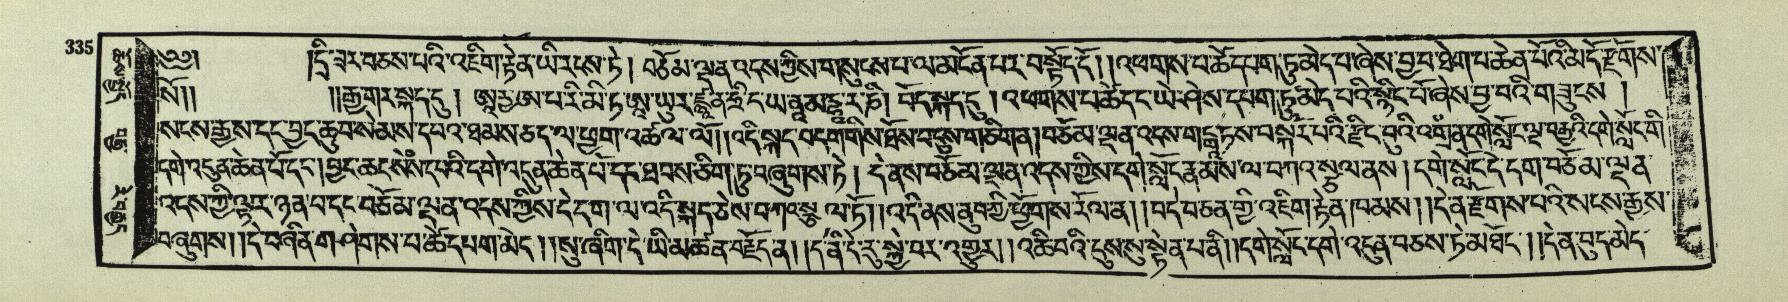༄༅། །དྲི་ཟར་བཅས་པའི་འཇིག་རྟེན་ཡི་རངས་ཏེ། བཅོམ་ལྡན་འདས་ཀྱིས་གསུངས་པ་ལ་མངོན་པར་བསྟོད་དོ། །འཕགས་པ་ཚེ་དཔག་ཏུ་མེད་པ་ཞེས་བྱ་བ་ཐེག་པ་ཆེན་པོའི་མདོ་རྫོགས་
སོ།། །།རྒྱ་གར་སྐད་དུ། ཨཱརྱ་ཨ་པ་རི་མི་ཏ་ཨཱ་ཡུར་ཛྙཱ་ན་ཧྲི་ད་ཡ་ནཱ་མ་དྷཱ་ར་ཎི། བོད་སྐད་དུ། འཕགས་པ་ཚེ་དང་ཡེ་ཤེས་དཔག་ཏུ་མེད་པའི་སྙིང་པོ་ཞེས་བྱ་བའི་གཟུངས།
སངས་རྒྱས་དང་བྱང་ཆུབ་སེམས་དཔའ་ཐམས་ཅད་ལ་ཕྱག་འཚལ་ལོ། །འདི་སྐད་བདག་གིས་ཐོས་བ་དུས་གཅིག་ན། བཅོམ་ལྡན་འདས་གངྒཱ་ཏས་བསྐོར་པའི་རྫིང་བུའི་འགྲཾ་ན་དགེ་སློང་ལྔ་བརྒྱའི་དགེ་སློང་གི་
དགེ་འདུན་ཆེན་པོ་དང་། བྱང་ཆུབ་སེཾས་དཔའི་དགེ་འདུན་ཆེན་པོ་དང་ཐབས་ཅིག་ཏུ་བཞུགས་ཏེ། དེ་ནས་བཅོམ་ལྡན་འདས་ཀྱིས་དགེ་སློང་རྣམས་ལ་བཀའ་སྩལ་ནས། དགེ་སློང་དེ་དག་བཅོམ་ལྡན་འདས་ཀྱི་ལྟར་ཉན་པ་དང་བཅོམ་ལྡན་འདས་ཀྱིས་དེ་དག་ལ་འདི་སྐད་ཅེས་བཀའ་སྩལ་ཏོ། །འདི་ནས་ནུབ་ཀྱི་ཕྱོགས་རོལ་ན། །བདེ་བ་ཅན་གྱི་འཇིག་རྟེན་ཁམས། །དེ་ན་རྫོགས་པའི་སངས་རྒྱས་
བཞུགས། །དེ་བཞིན་གཤེགས་པ་ཚེ་དཔག་མེད། །སུ་ཞིག་དེ་ཡི་མཚན་བརྗོད་ན། །དེ་ནི་དེ་རུ་སྐྱེ་བར་འགྱུར། །འཆི་བའི་དུས་སུ་སྟེན་པ་ནི། །དགེ་སློང་དགེ་འདུན་བཅས་ཏེ་མཐོང་། །དེ་ན་བུད་མེད་